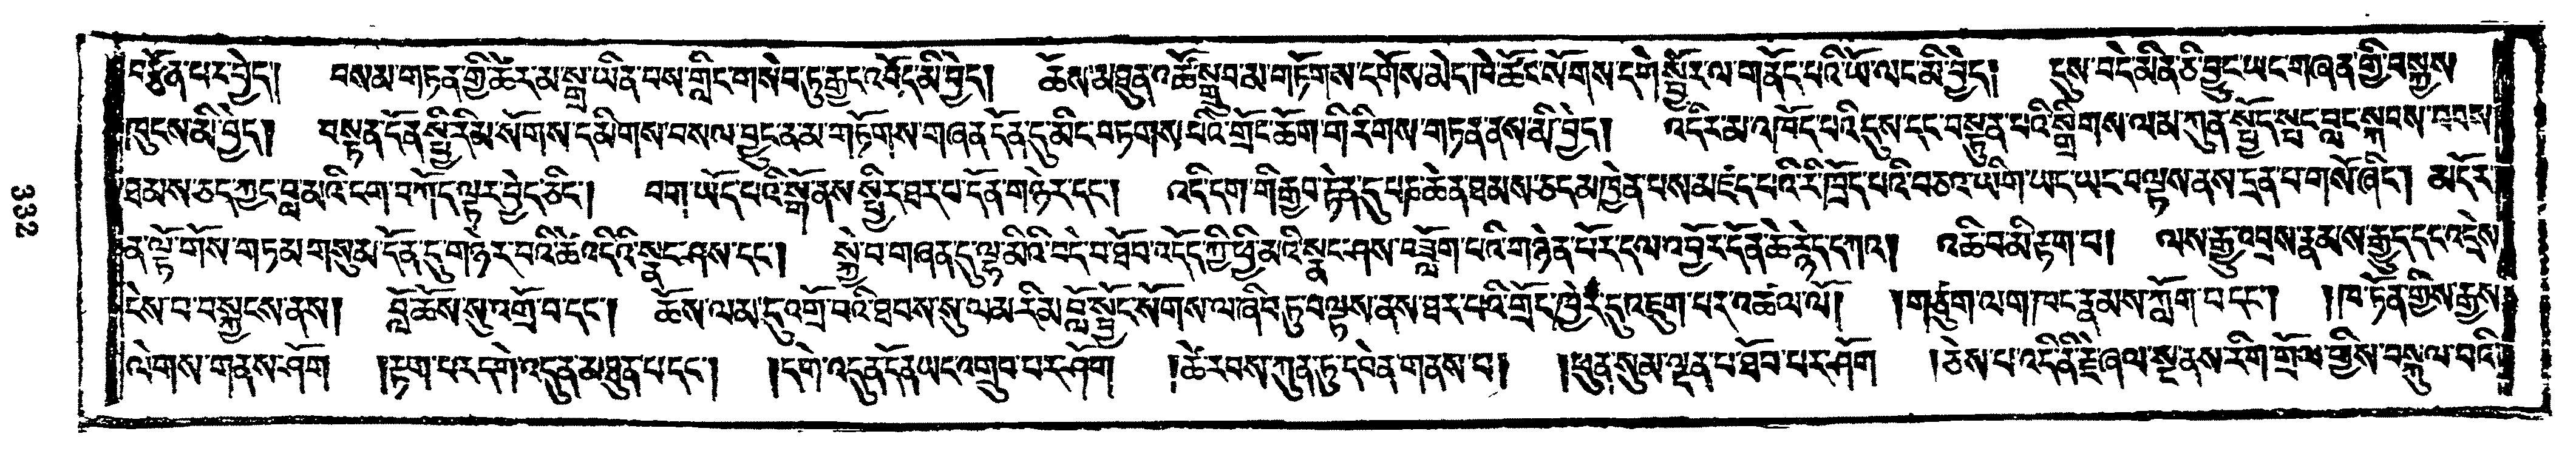བརྩོན་པར་བྱེད། བསམ་གཏན་གྱི་ཚེར་མ་སྒྲ་ཡིན་པས་གླིང་གསེར་ཏུ་རྒྱང་འབོད་མི་བྱེད། ཆོས་མཐུན་འཚོ་སྒྲུབ་མ་གཏོགས་དགོས་མེད་ཁེ་ཚོང་སོགས་དགེ་སྦྱོར་ལ་གནོད་པའི་ཡོ་ལང་མི་བྱེད། དུས་བདེ་མིན་ཅི་བྱུང་ཡང་གཞན་གྱི་བསྐྱས་
ཁུངས་མི་བྱེད། བསྟན་དོན་སྤྱི་རིམ་སོགས་དམིགས་བསལ་བྱུང་ན་མ་གཏོགས་གཞན་དོན་དུ་མིང་བཏགས་པའི་གྲོང་ཆོག་གི་རིགས་གཏན་ནས་མི་བྱེད། འདིར་མ་འཁོད་པའི་དུས་དང་བསྟུན་པའི་སྒྲིགས་ལམ་ཀུན་སྤྱོད་སྤང་བླང་སྐབས་བབས་
ཐམས་ཅད་ཀྱང་བླ་མའི་ངག་བཀོད་ལྟར་བྱེད་ཅིང་། བག་ཡོད་པའི་སྒོ་ནས་སྤྱིར་ཐར་པ་དོན་གཉེར་དང་། འདི་དག་གི་རྒྱབ་རྟེན་དུ་པཎ་ཆེན་ཐམས་ཅད་མཁྱེན་པས་མཛད་པའི་རེ་ཁྲོད་པའི་བཅའ་ཡིག་ཡང་ཡང་བལྟས་ནས་དྲན་པ་གསོ་ཞིང་། མདོར་
ན་ལྟོ་གོས་གཏམ་གསུམ་དོན་དུ་གཉེར་བའི་ཚེ་འདིའི་སྣང་ཤས་དང་། སྐྱེ་བ་གཞན་དུ་ལྷ་མིའི་བདེ་བ་ཐོབ་འདོད་ཀྱི་ཕྱི་མའི་སྣང་ཤས་བཟློག་པའི་གཉེན་པོར་དལ་འབྱོར་དོན་ཆེ་རྙེད་དཀའ། འཆི་བ་མི་རྟག་བ། ལས་རྒྱུ་འབྲས་རྣམས་རྒྱུད་དང་འདྲེས་
ངེས་པ་བསྐྱངས་ནས། བློ་ཆོས་སུ་འགྲོ་བ་དང་། ཆོས་ལམ་དུ་འགྲོ་བའི་ཐབས་སུ་ལམ་རིམ་བློ་སྦྱོང་སོགས་ལ་ཞིབ་ཏུ་བལྟས་ནས་ཐར་པའི་གྲོང་ཁྱེར་དུ་འཇུག་པར་འཚལ་ལོ། །གཙུག་ལག་ཁང་རྣམས་ཀློག་པ་དང་། །ཁ་ཏོན་གྱིས་རྒྱས་
ལེགས་གནས་ཤོ་།རྟག་པར་དགེ་འདུན་མཐུན་པ་དང་། །དགེ་འདུན་དོན་ཡང་འགྲུབ་པར་ཤོག །ཚེ་རབས་ཀུན་ཏུ་དཔེན་གནས་པ། །ཕུན་སུམ་ལྡན་པ་ཐོབ་པར་ཤོག །ཅེས་པ་འདི་ནི་རྗེ་ཞལ་སྔ་ནས་རིག་གྲོལ་གྱིས་བསྐུལ་བའི་